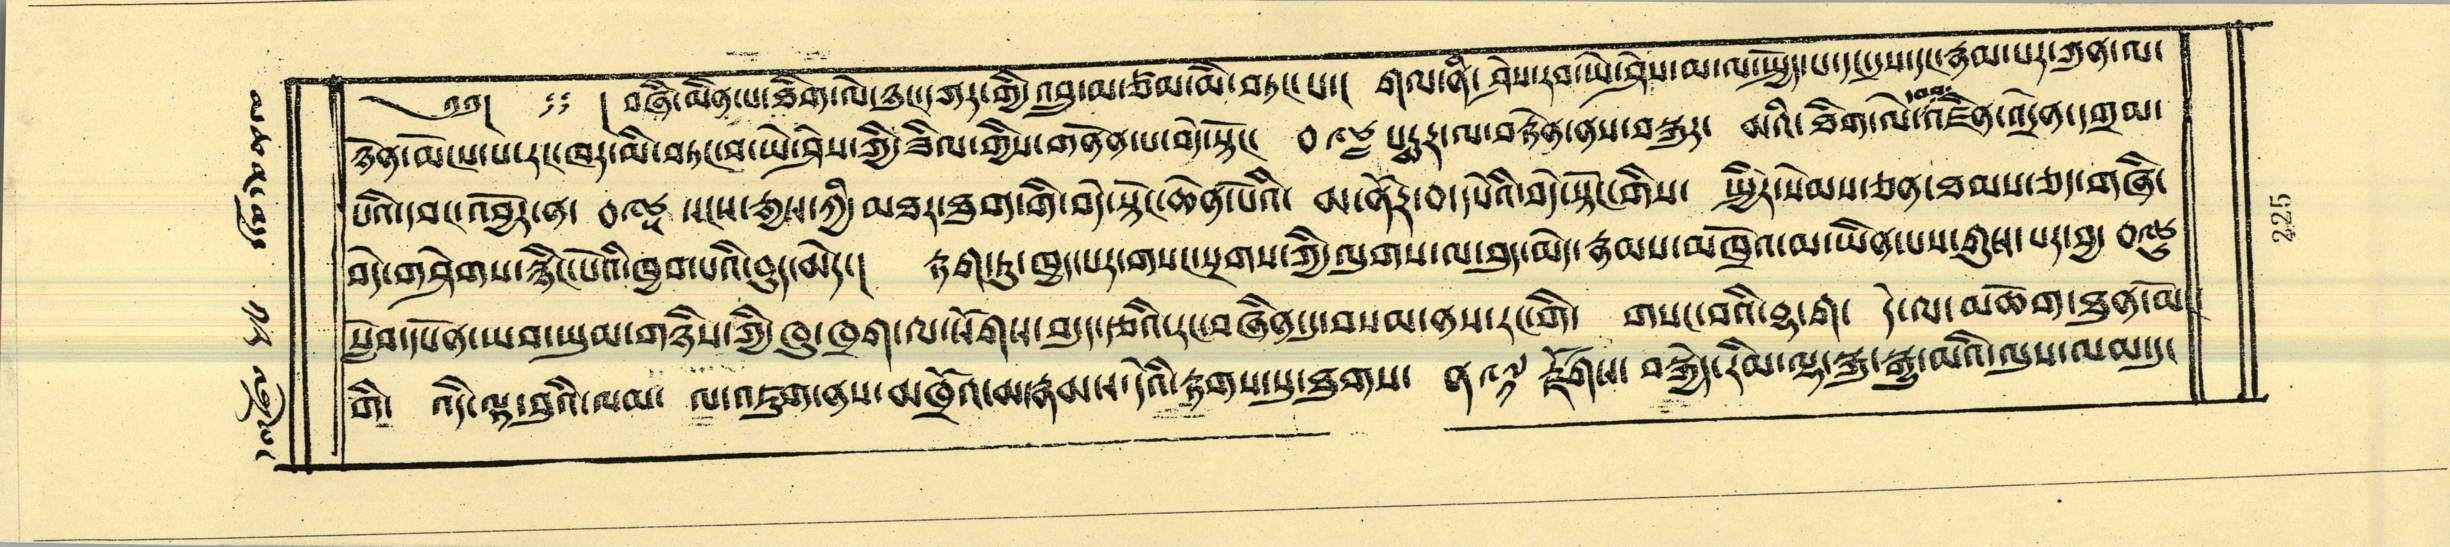བཞི་མིན་པ་ཐིག་ལེ་ཉུང་དཀར་གྱི་འབྲུ་མ་ཙམ་མི་བཏང་པ། ༼གལ་ནི་༽ཤེས་རབ་ཡེ་ཤེས་མ་ལ་སྤྱོད་པ་དང་དུས་དང་རྣམ་པར་ཀུན་ལ་
ཉོན་མོངས་པ་རང་ཁར་མི་བཏང་བ་ཡེ་ཤེས་ཀྱི་ཟིལ་གྱིས་གནོན་པ་བདེ་སྟོང། བ༩༦།༤ ༼པདྨར་༽ལ་བརྟེན་ནས་བསྐུར། ༼མའི་༽ཐིག་ལེ་དབབ་འཛིན་འདྲེན་དགྲམ་
པའི་དབང་འབྱོར་ན་བ༩༦།༥ ༼སངས་རྒྱས་ཀྱི་༽མཐར་ཐུག་གི་བདེ་སྟོང་ཆེན་པོའི། ༼མ་ནོར་བ་༽དཔེའི་བདེ་སྟོང་གིས། སྤྱིར་སེམས་ཅན་ཐམས་ཅད་གཞི་
བདེ་གཤེགས་སྙིང་པོའི་ཁྱབ་པའི་ ༼བུད་མེད།༽ ༼རྟག་ཏུ་༽ཁྱད་པར་གསང་སྔགས་ཀྱི་ལུགས་ལ་བུད་མེད་རྣམས་མཁའ་འགྲོ་མ་ཡིན་པས་ ༼གུས་༽པར་བྱ། བ༩༦།༦ 
སློབ་དཔོན་ཡབ་ཡུམ་གཉིས་ཀྱི་ ༼ཁུ་ཁྲག་ལ་སོགས་༽བདུད་རྩིའི་རང་བཞིན་དུ་བསམ་ནས་རང་གི་གསང་བའི་ ༼བྷ་ག་དེ་ལ་༽མཆོག་ཐུན་མོང་
གི་འདི་ལྟ་བུའི་ལམ་ལ་འཇུག་ནས་ ༼མཁའ་འགྲོ་མ་རྣམས་དེའི་༽རྟགས་སུ་ཐུགས་ན༩༧།༡ ༼རྫོགས་༽བསྐྱེད་རིམ་ལྷ་སྐུ་སྒྱུ་མའི་ལུས་ལམ་དུ་